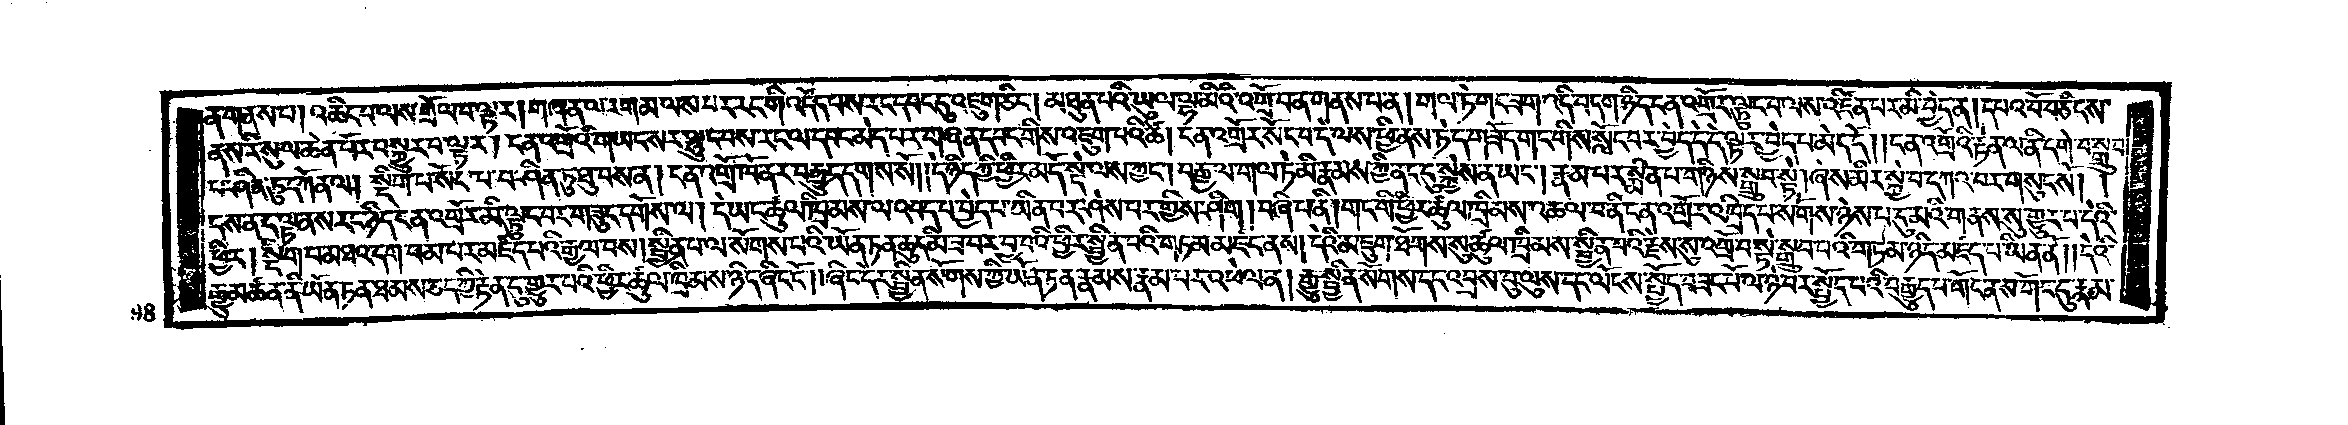ན་གནས་པ། འཆིང་བ་ལས་གྲོལ་བ་ལྟར། གཞན་ལ་རག་མ་ལུས་པར་རང་གི་འདོད་པས་རང་དབང་དུ་འཇུག་ཅིང་། མཐུན་པའི་ཡུལ་ལྷ་མིའི་འགྲོ་བ་ན་གནས་པ་ན། གལ་ཏེ་གང་ཟག་འདི་བདག་ཉིད་ངན་འགྲོར་ལྟུང་བ་ལས་འཛིན་པར་མི་བྱེད་ན། དཔའ་བོ་བཅིངས་
ནས་རི་སུལ་ཆེན་པོར་བསྐྱུར་བ་ལྟར། ངན་འགྲོའི་གཡང་སར་ལྷུང་བས་རང་ལ་དབང་མེད་པར་གཞན་དབང་གིས་འཇུག་པའི་ཚེ། ངན་འགྲོར་སོང་བ་དེ་ལས་ཕྱི་ནས་ཏེ་དེ་གཟོད་གང་གིས་སློང་བར་བྱེད་དེ་དེ་ལྟར་བྱེད་པ་མེད་དོ། །ངན་འགྲོའི་རྟེན་ལ་ནི་དགེ་བ་སྒྲུབ་
པ་ཤིན་ཏུ་དཀོན་ལ། སྡིག་པ་སོག་པ་ལ་ཤིན་ཏུ་ཐུ་བས་ན། ངན་འགྲོ་ཁོ་ནར་བརྒྱུད་དགོས་སོ། །དེ་ཉིད་ཀྱི་ཕྱིར་མདོ་སྡེ་ལས་ཀྱང་། བརྒྱ་ལ་གལ་ཏེ་མི་རྣམས་ཀྱི་ནང་དུ་སྐྱེས་ན་ཡང་། རྣམ་པར་སྨིན་པ་གཉིས་སྒྲུབ་སྟེ། ཞེས་མིར་སྐྱེ་བ་དཀའ་བར་གསུངས་སོ། །
དེས་ན་ད་ལྟ་ནས་རང་ཉིད་ངན་འགྲོར་མི་ལྟུང་བར་གཟུང་དགོས་ལ། དེ་ཡང་ཚུལ་ཁྲིམས་ལ་འབད་པ་བྱེད་པ་ཡིན་བར་ཤེས་པར་གྱིས་ཤིག །བཞི་པ་ནི། གང་གི་ཕྱིར་ཚུལ་ཁྲིམས་འཆལ་བ་ནི་ངན་འགྲོར་འཁྲིད་པ་སོགས་ཉེས་པ་དུ་མའི་གནས་སུ་གྱུར་པ་དེའི་
ཕྱིར། སྡིག་པ་མཐའ་དག་ཕམ་པར་མཛད་པའི་རྒྱལ་བས། སྦྱིན་པ་ལ་སོགས་པའི་ཡོན་ཏན་ཆུད་མི་ཟ་བར་བྱ་བའི་ཕྱིར་སྦྱིན་པའི་གཏམ་མཛད་ནས། དེའི་མཇུག་ཐོགས་སུ་ཚུལ་ཁྲིམས་སྦྱིན་པའི་རྗེས་སུ་འགྲོ་བ་སྟེ་སྒྲུབ་པའི་གཏམ་ཉིད་མཛད་པ་ཡིན་ནོ། །དེའི་
རྒྱུ་མཚན་ནི་ཡོན་ཏན་ཐམས་ཅད་ཀྱི་རྟེན་དུ་གྱུར་པའི་ཕྱིར་ཚུལ་ཁྲིམས་ཉིད་ཞིང་ངོ། །ཞིང་དེར་སྦྱིན་སོགས་ཀྱི་ཡོན་ཏན་རྣམས་རྣམ་པར་འཕེལ་ན། རྒྱུ་སྦྱིན་སོགས་དང་འབྲས་བུ་ལུས་དང་ལོངས་སྤྱོད་བཟང་པོ་ལ་ཉེ་བར་སྤྱོད་པའི་བརྒྱུད་པ་གོང་ནས་གོང་དུ་རྣམ་